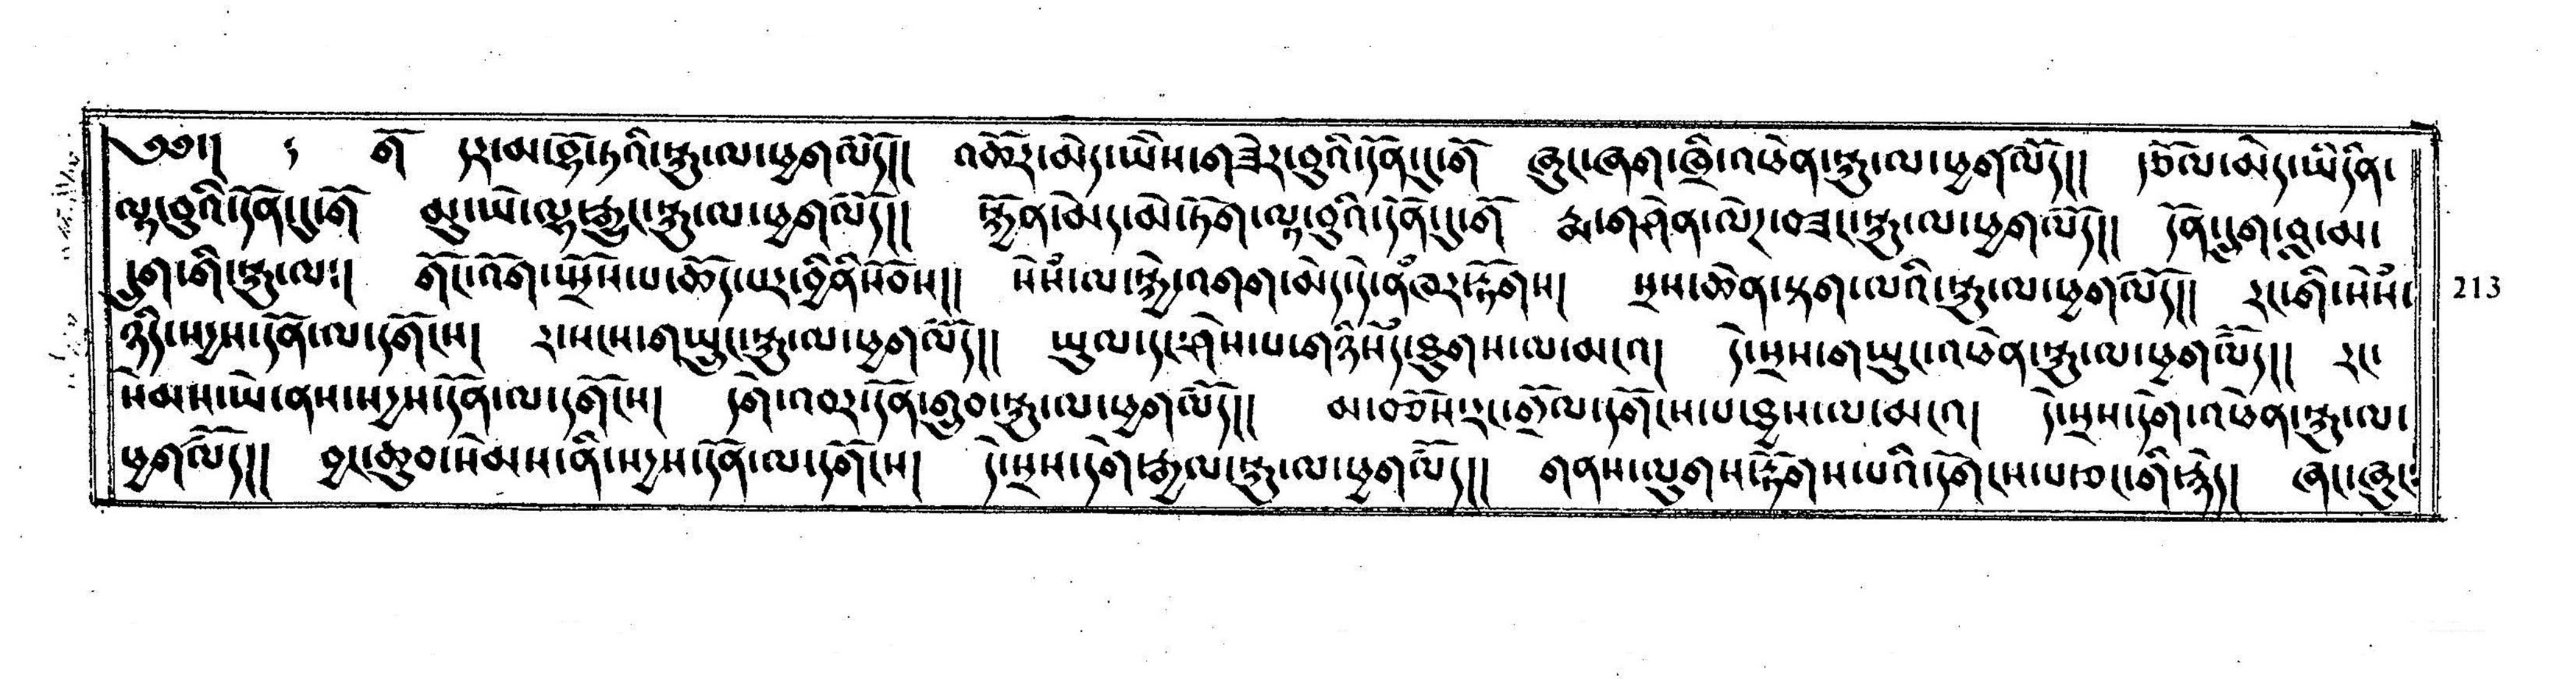གོ དར་མ་བྷོ་ཏའི་སྐུ་ལ་ཕྱག་འཚལ་བསྟོད།། འཆོར་མེད་ཡེ་ཤེས་གཟེར་བུའི་དོན་དུ་གོ ཞུང་ཞག་ཁྲི་འཕེན་སྐུ་ལ་ཕྱག་འཚལ་བསྟོད།། རྩོལ་མེད་ཡིད་བཞིན་
ལྟ་བུའི་དོན་དུ་གོ མུ་ཡེ་ལྷ་རྒྱུང་སྐུ་ལ་ཕྱག་འཚལ་བསྟོད།། སྐྱོན་མེད་མེ་ཏོག་ལྟ་བུའི་དོན་དུ་གོ རྨ་གཤེན་ལེགས་བཟང་སྐུ་ལ་ཕྱག་འཚལ་བསྟོད།། དོན་དྲུག་བླ་མ་
དྲུག་གི་སྐུ་ལ༴། གོང་འོག་སྤྲོས་པ་ཆོད་པར་བྱིན་གྱིས་རློབས།། སེམས་ལ་སྐྱེ་འགག་མེད་དེ་ནམ་མཁར་རྟོགས། སྲས་ཆེན་སྟག་ལའི་སྐུ་ལ་ཕྱག་འཚལ་བསྟོད།། རང་གི་སེམས་
ཉིད་སངས་རྒྱས་དོན་ལ་དགོངས། ར་སངས་གཡུང་དྲུང་སྐུ་ལ་ཕྱག་འཚལ་བསྟོད།། ཡུལ་དང་ཤེས་པ་གཉིས་མེད་ཐུགས་ལ་མངའ། དེ་སྲས་གཡུང་འཕེན་སྐུ་ལ་ཕྱག་འཚལ་བསྟོད།། རང་
སེམས་ཡེ་ནས་སངས་རྒྱས་དོན་ལ་དགོངས། དགེ་འབར་དོན་གྲུབ་སྐུ་ལ་ཕྱག་འཚལ་བསྟོད།། མ་བཅོས་རང་གྲོལ་དགོངས་པ་ཐུགས་ལ་མངའ། དེ་སྲས་དགེ་འཕེན་སྐུ་ལ་
ཕྱག་འཚལ་བསྟོད།། བྱང་ཆུབ་སེམས་ནི་སངས་རྒྱས་དོན་ལ་དགོངས། དེ་སྲས་དགེ་རྒྱལ་སྐུ་ལ་ཕྱག་འཚལ་བསྟོད། གནས་ལུགས་རྟོགས་པའི་དགོངས་པ་ཅང་གི་རྙེད། ཞང་ཞུང་